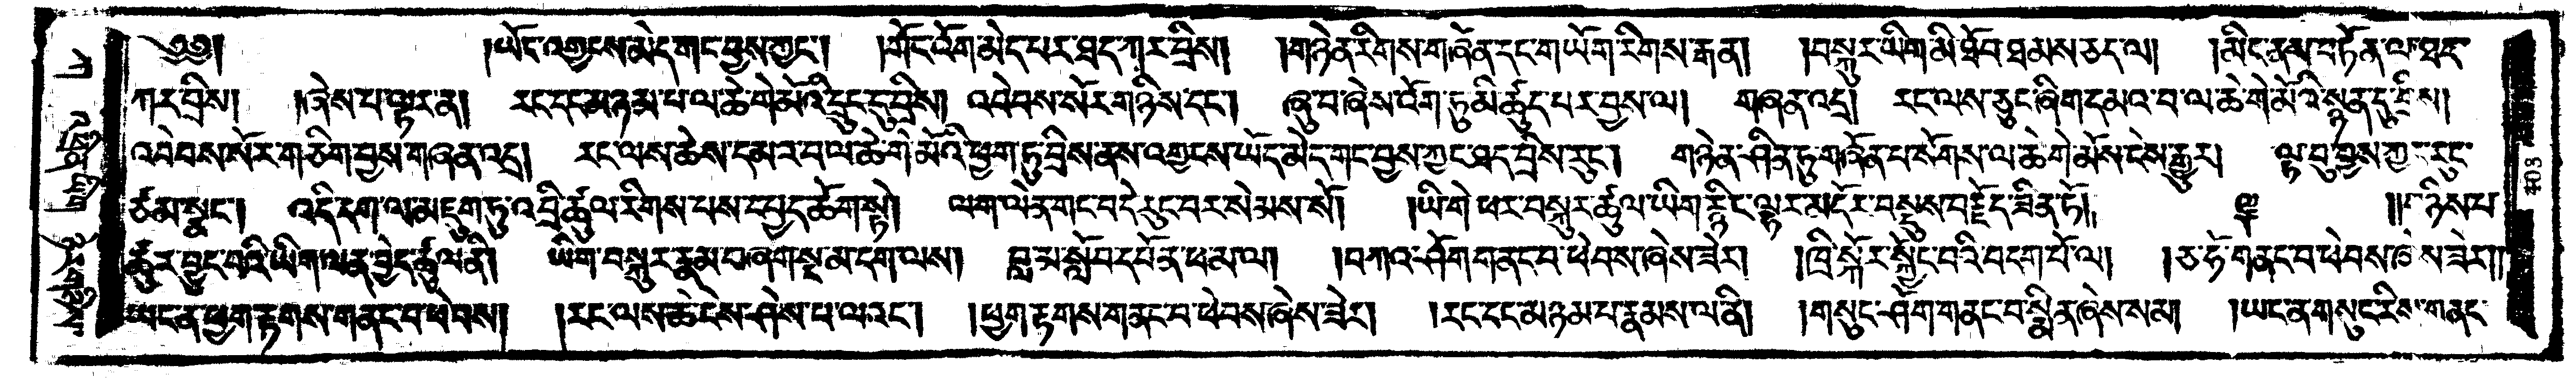༄༅། །ཡོང་འགྱངས་མེད་གང་བྱས་ཀྱང་། །གོང་འོག་མེད་པར་ཐད་ཀ་བྲིས། །གཉེན་རིགས་གཞོན་དང་གཡོག་རིགས་རྒན། །བསྐུར་ཡིག་མི་ཐོབ་ཐམས་ཅད་ལ། །མིང་ནས་བཏོན་ལ་ཐང་
ཀར་བྲིས། །ཞེས་པ་ལྟར་ན། རང་དང་མཉམ་པ་ལ་ཆེ་གེ་མོའི་དྲུང་དུ་བྲིས། འབེབས་སོར་གཉིས་དང་། ཞུ་བ་ཞེས་འོག་ཏུ་མི་ཚུད་པར་བྱས་ལ། གཞན་འདྲ། རང་ལས་ཅུང་ཞིག་དམའ་བ་ལ་ཆེ་གེ་མོའི་སྙན་དུ་དྲིས།
འབེབས་སོར་གཅིག་བྱས་གཞན་འདྲ། རང་ལས་ཆེས་དམར་བལ་ཆེ་གེ་མོའི་ཕྱག་ཏུ་བྲིས་ནས་འགྱངས་ཡོད་མེད་གང་བྱས་ཀྱང་ཐད་བྲིས་རུང་། གཉེན་ཤིན་ཏུ་གཞོན་པ་སོགས་ལ་ཆེ་གེ་མོས་ངེས་རྒྱུར། ལྟ་བུ་བྱས་ཀྱང་རུང་
ཙམ་སྣང་། འདི་དག་ལ་མཇུག་ཏུ་འབྲི་ཚུལ་རིགས་པས་དཔྱད་ཆོས་སྟེ། ལག་ལེན་གང་བདེ་རུང་བར་སེམས་སོ། །ཡི་གེ་ཕར་བསྐུར་ཚུལ་ཡིག་རྙིང་ལྟར་མདོར་བསྡུས་བརྗོད་ཟིན་ཏོ། ༈ །།གཉིས་པ་
ཚུར་བྱུང་བའི་ཡིག་ལན་བྱེད་ཚུལ་ནི། ཡིག་བསྐུར་རྣམ་བཞག་སྔ་མ་དག་ལས། བླ་མ་སློབ་དཔོན་ཕ་མ་ལ། །བཀའ་ཤོག་གནང་བ་ཕེབས་ཞེས་ཟེར། །ཁྲི་སྐོར་སྐྱོང་བའི་བདག་པོ་ལ། །ཅ་ཧོ་གནང་བ་ཕེབས་ཅེས་ཟེར། །
ཡང་ན་ཕྱག་རྟགས་གནང་བ་ཕེབས། །རང་ལས་ཆེ་ངས་ཤེས་པ་ལའང་། །ཕྱག་རྟགས་གནང་བ་ཕེབས་ཞེས་ཟེར། །རང་དང་མཉམ་པ་རྣམས་ལ་ནི། །གསུང་ཤོག་གནང་བ་སྨིན་ཞེས་སམ། །ཡང་གསུང་རིས་གནང་